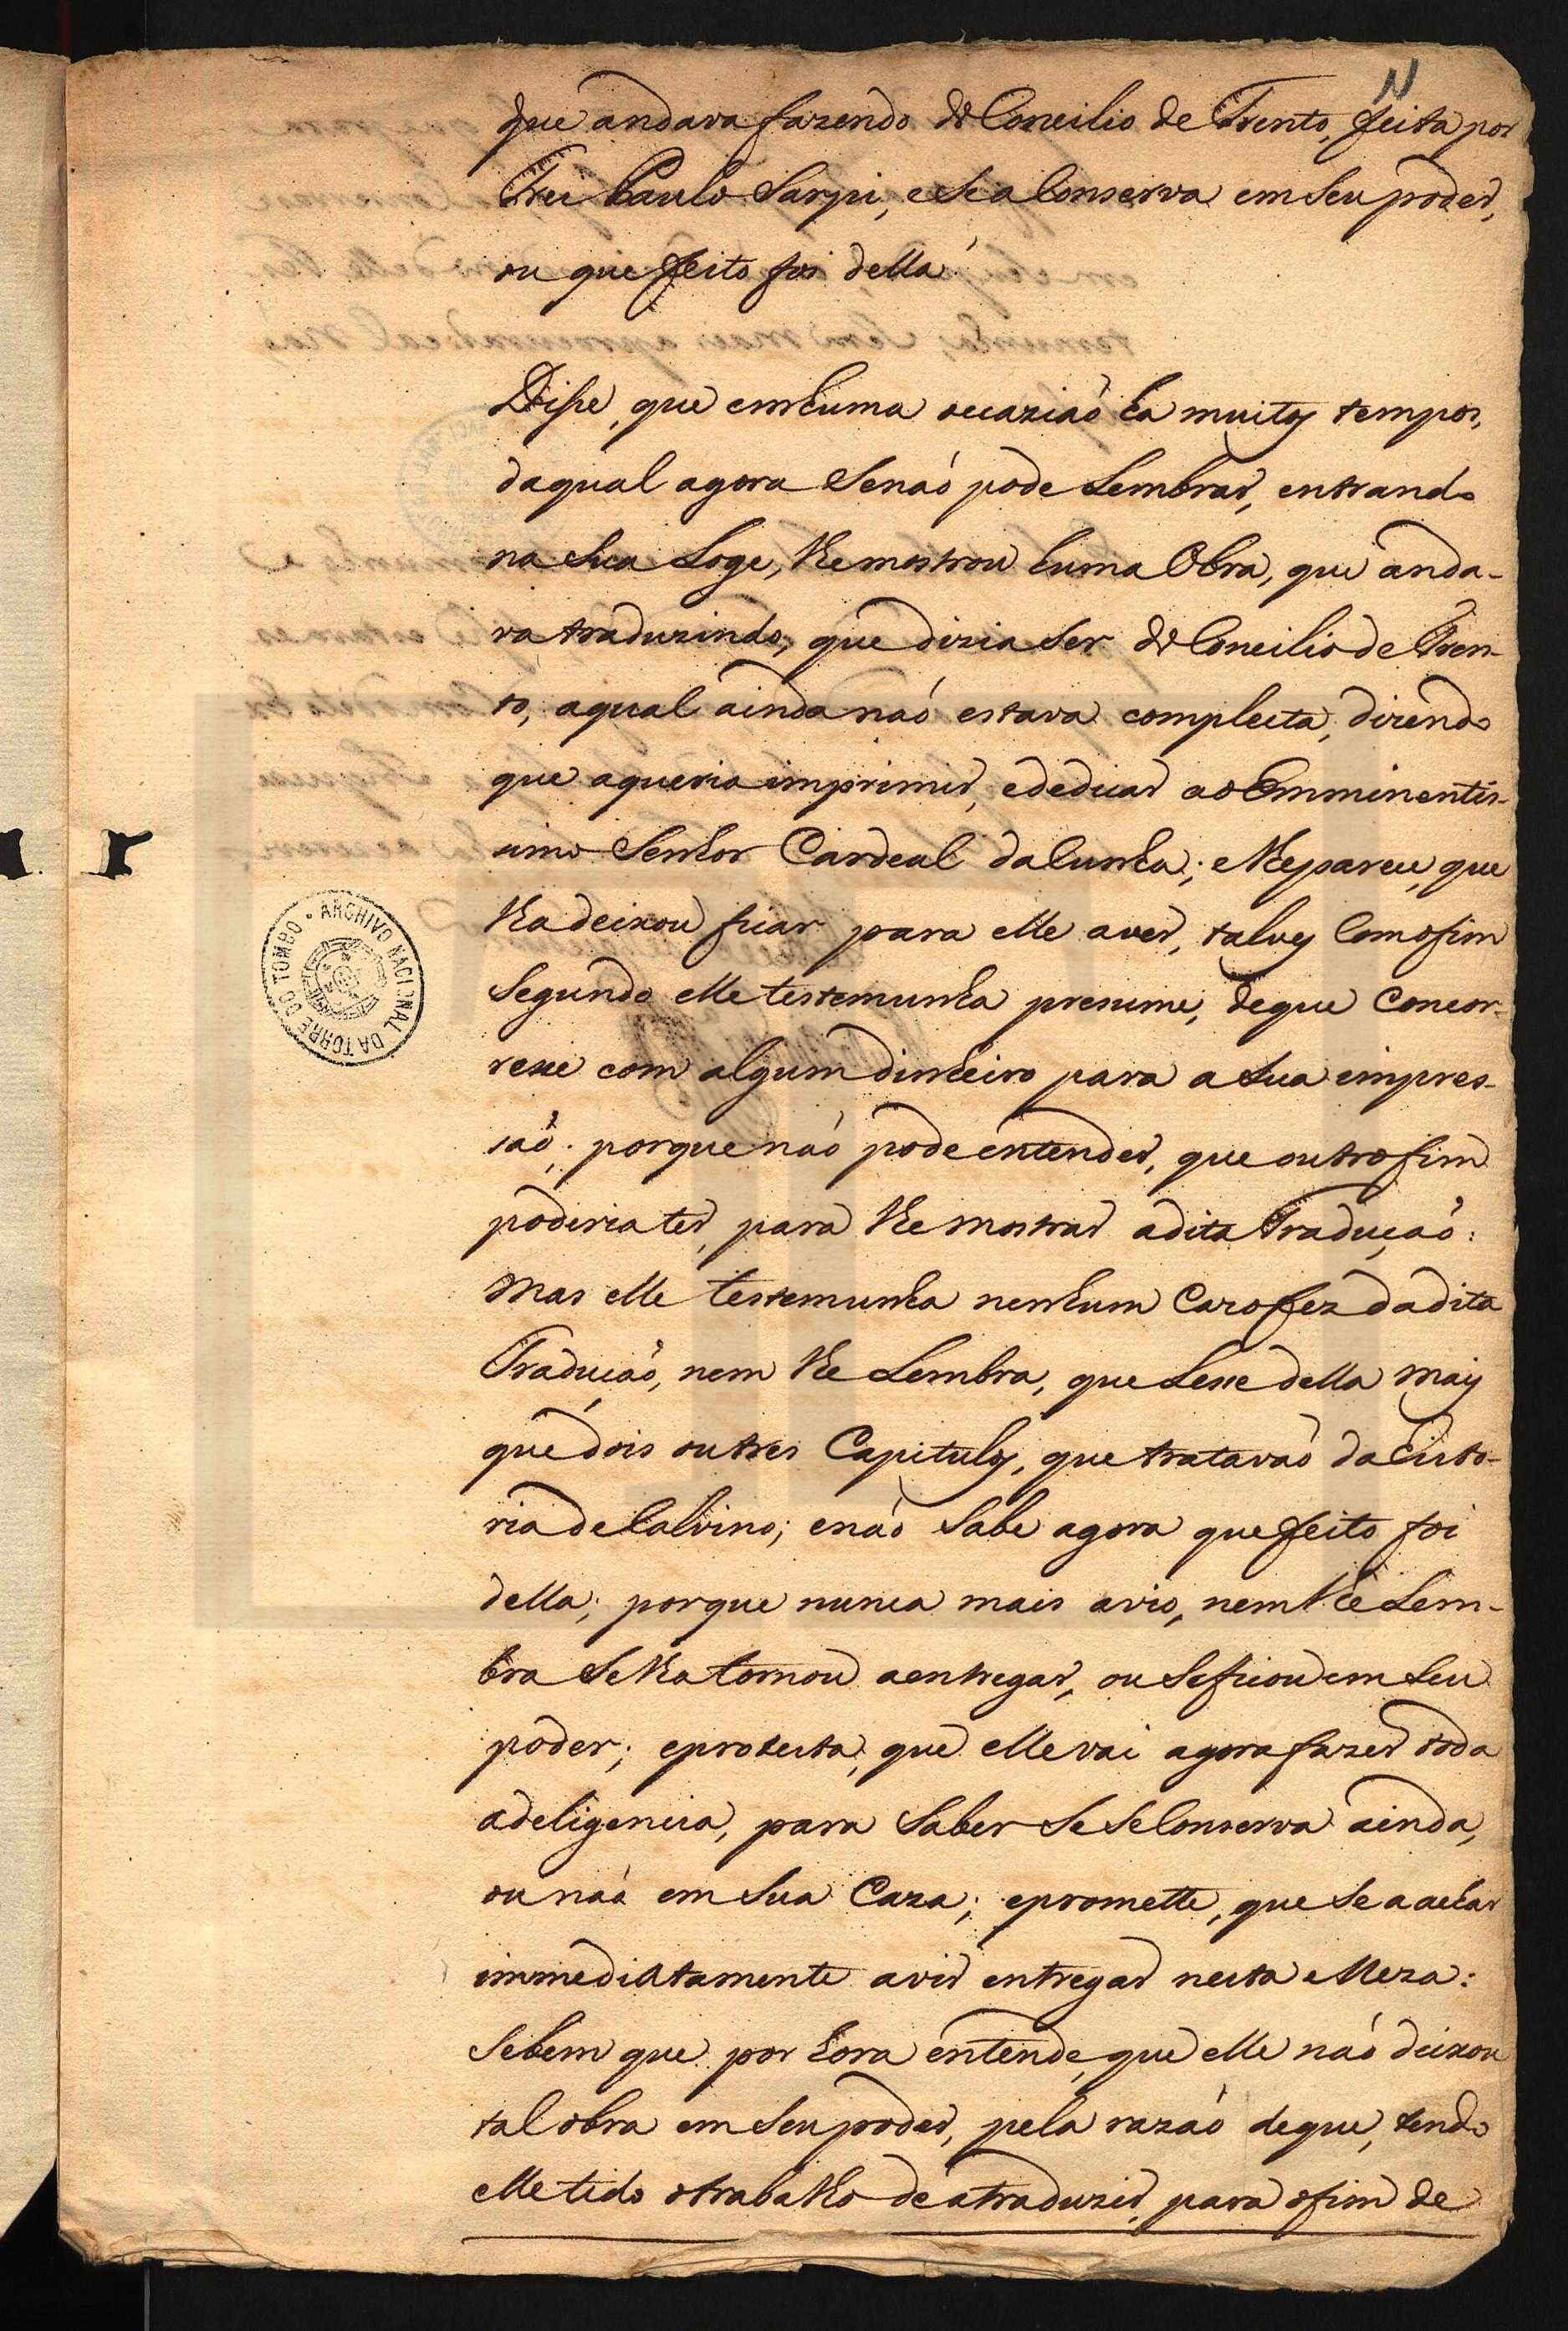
que andava fazendo do Concilio de Trento, feita por
Frei Paulo Sarpi, e Si a Conserva em Seu poder,
ou que feito foi della?
Disse, que em huma occaziaõ ha muitos tempos,
da qual agora Senaõ pode Lembrar, entrando
na Sua Loge, lhe mostrou huma Obra, que anda
va traduzindo, que dizia Ser do Concilio de Tren
to, a qual ainda naõ estava complecta, dizendo
que a queria imprimir, e de duas ao Emminentis
simo Senhor Cardeal da Cunha; e lhe parece, que
lha deixou ficar para elle a ver, talvez Com o fim
Segundo elle testemunha presume, de que concor
resse com algum dinheiro para a Sua impres
saõ; porque naõ poder entender, que outro fim
poderia ter, para lhe mostrar a dita Traduçaõ:
mas elle testemunha nenhum Cazo fez da dita
Traduçaõ, nem lhe Lembra, que Lesse della mais
que dois outros Capitulos, que tratavaõ da histo
ria de Calvino, e naõ Sabe agora que feito foi
della; porque nunca mais a vio, nem lhe Lem
bra Se lha tornou a entregar, ou Se ficou em Seu
poder; e protesta, que elle vai agora fazer toda
a deligencia, para Saber Se Se conserva ainda,
ou naõ em Sua Caza; e promette, que Se a achar
immediatamente a vir entregar nesta Meza:
Se bem que por hora entende, que elle naõ deixou
tal obra em Seu poder, pela razaõ de que, tendo
elle tido o trabalho de a traduzir, para o fim de
